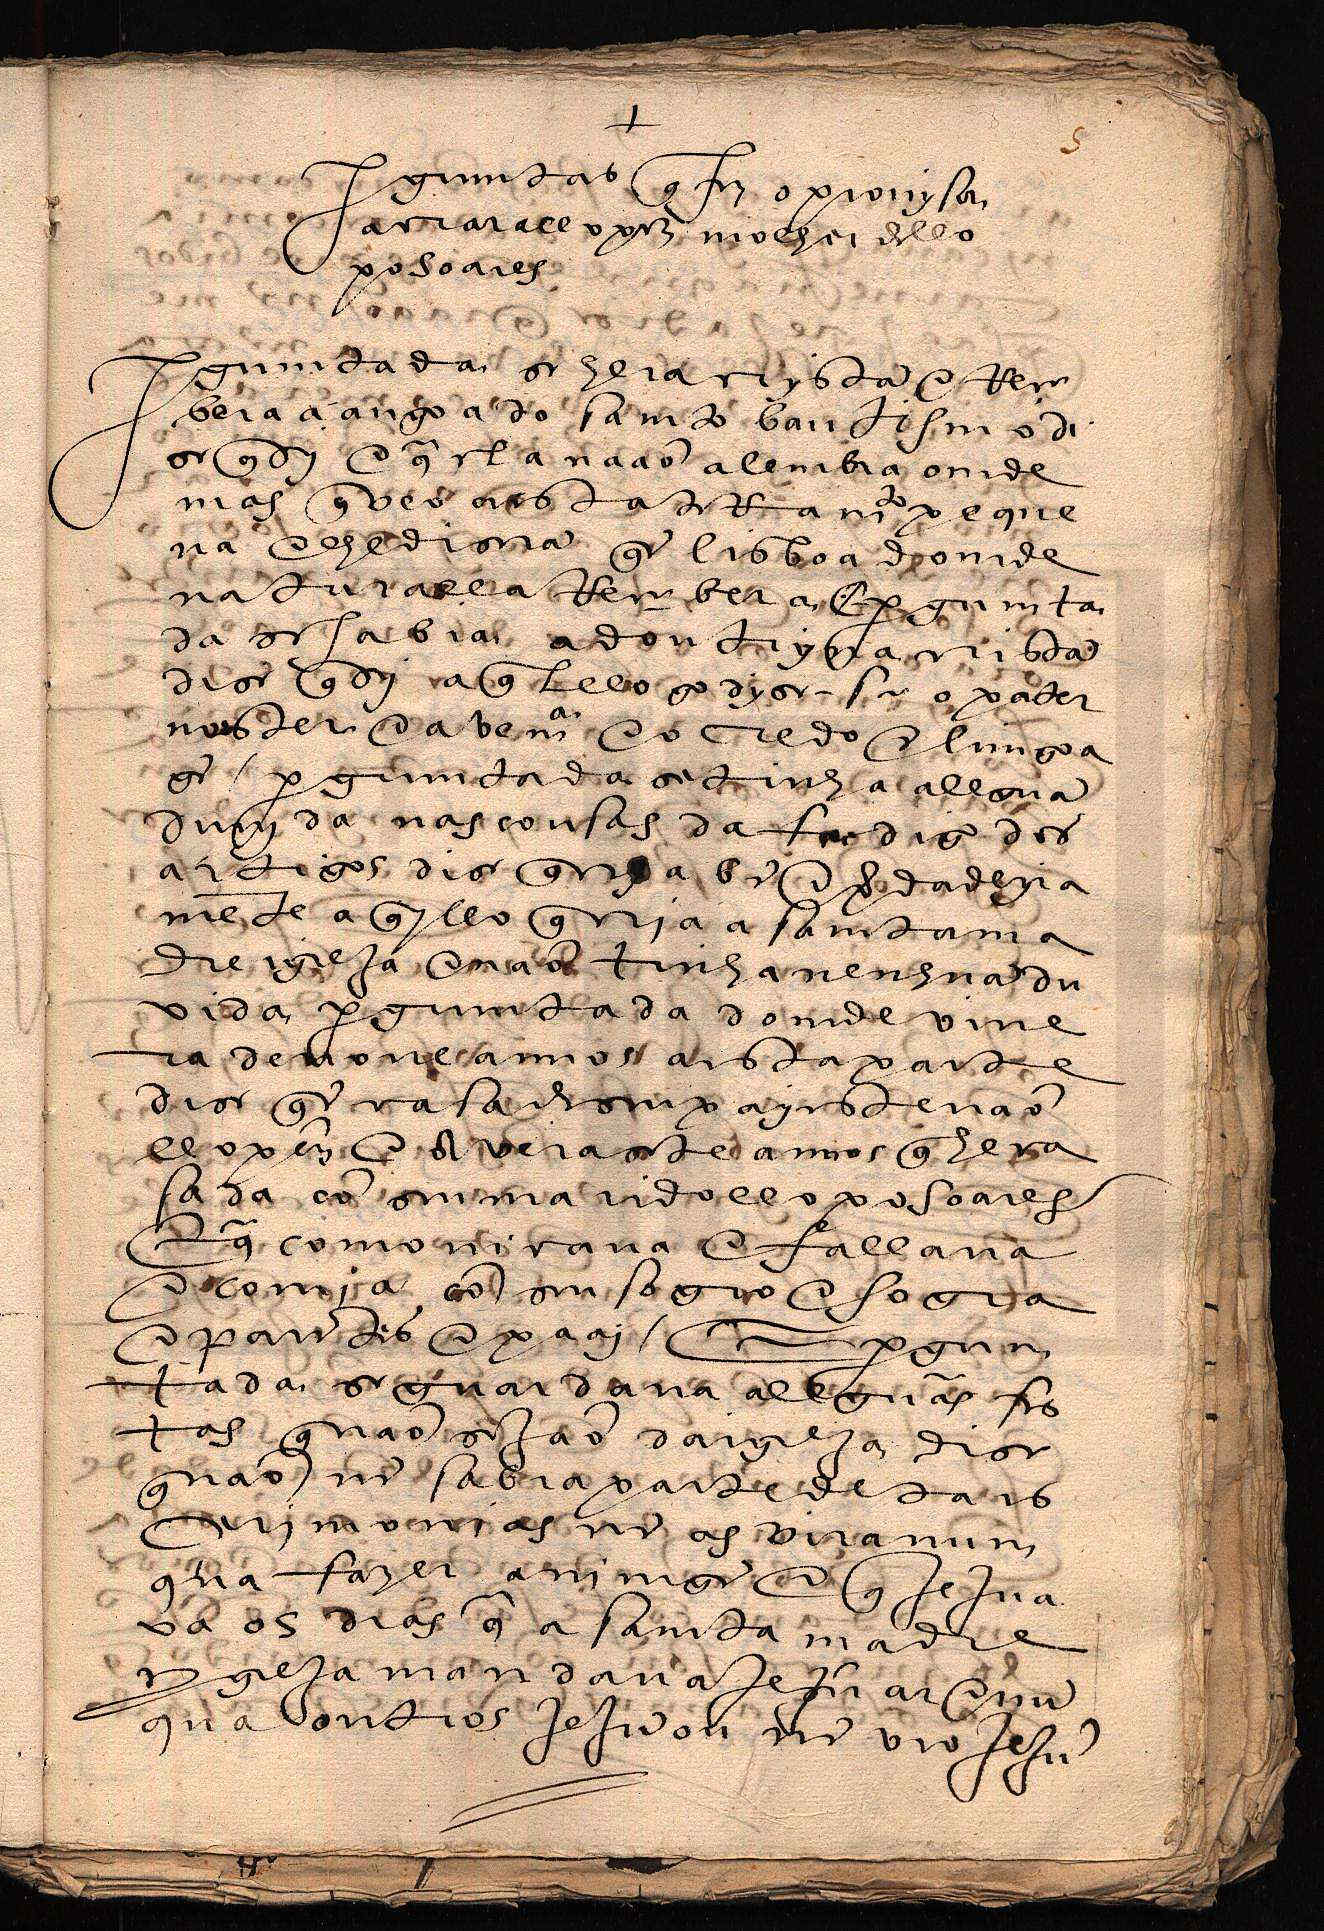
ꝑgumtas q̄ fez o prouysor
a crara llopez molher de llo
po soares
ꝑgumtada se hera crystā e Reçe
bera a augoa do samto bautismo di
se q̄ sy e q̄ ela naaõ alembra omde
mas q̄ veo a esta teRa mto peque
na e lhe diserā q̄ ē lisboa domde
naturall a Reçebera E ꝑgumta
da se sabia a doutryna cristā
dise q̄ sy a q̄l llogo dyse -s- o pater
noster e ave ma e o Credo ē limgoa
gē / ꝑgumtada se tinha allguā
duujda nas cousas da fee digo dos
artigos dise q̄ crja bē e ꝟdadeyra
mēte aq̄jllo q̄ crja a samta ma
dre igreJa e naõ tinha nenhuā du
vida ꝑgumtada domde viue
ra de noue annos a esta parte
dise q̄ ē casa de seu pay esteuaõ
llopez e Avera sete annos q̄ he ca
sada cō seu marido llopo soares
E q̄ comonicaua e fallaua
e comja cō seu sogro e sogra
e parētes e paaj / E ꝑgum
tada se guardaua allguās fes
tas q̄ naõ seJaõ da igreJa dise
q̄ naõ nē sabia parte de taes
Çerjmonias nē as vira num
qua fazer a nimgē e q̄ JeJua
va os dias q̄ a samta madre
ygreJa mandaua a JeJūar e nū
qua outros JeJūou nē vio JeJū
